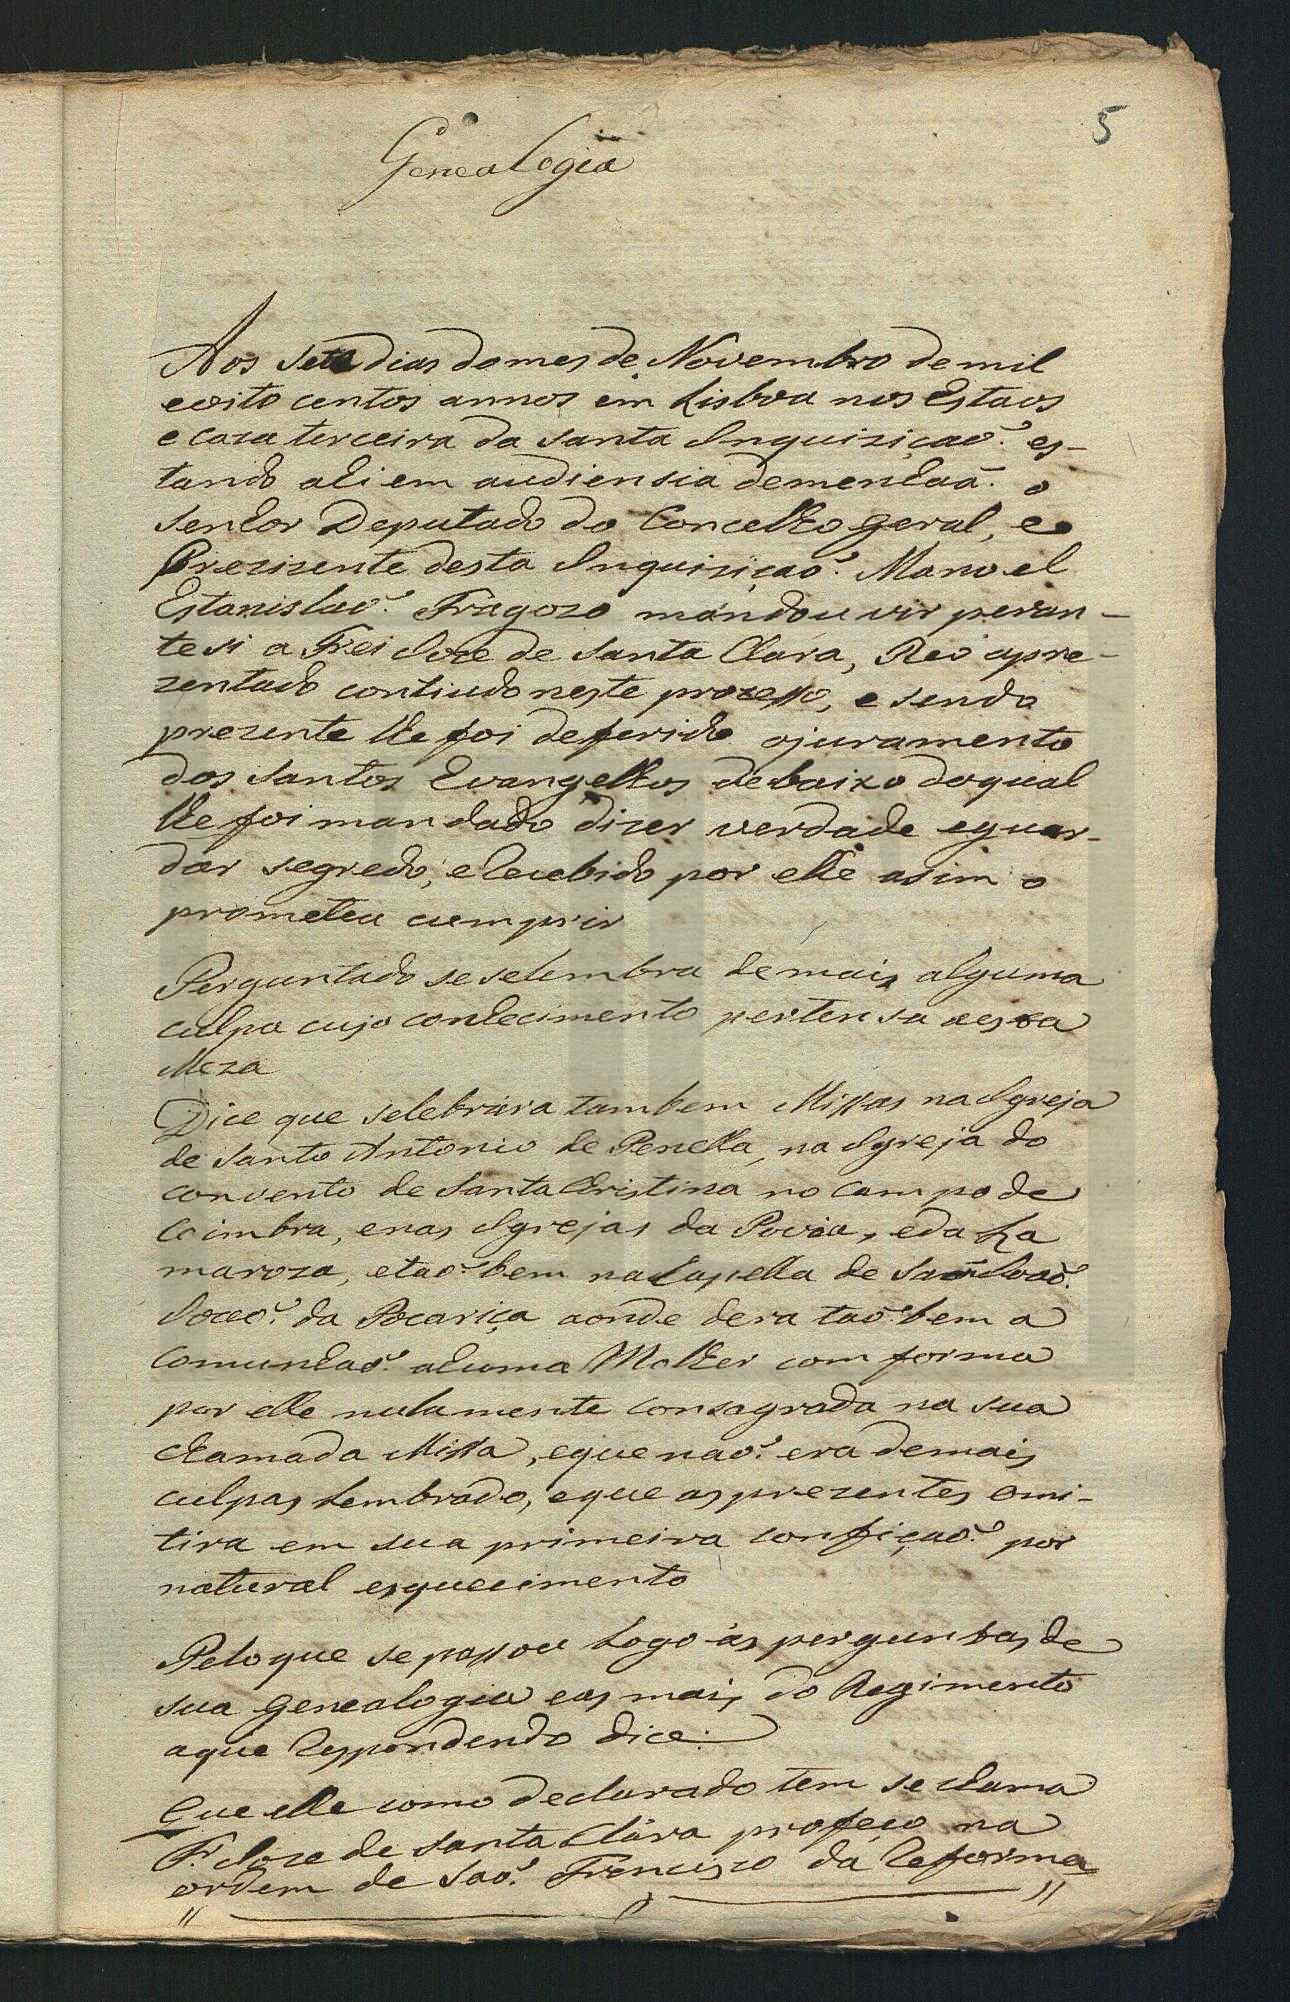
Genealogia
Aos sete dias do mes de Novembro de mil
e oitocentos annos em Lisboa nos Estaos
e caza terceira da santa Inquiziçaõ es
tando ahi em audiencia de menhaã o
senhor Deputado do Concelho Geral, e
prezizente desta Inquiziçaõ Manoel
Estanislaõ Fragozo mandou vir peran
te si a Frei Ioze de Santa Clara, Reo apre
zentado conteudo neste processo, e sendo
prezente lhe foi deferido o juramento
dos santos Evangelhos debaixo do qual
lhe foi mandado dizer verdade e guar
dar segredo, e Recebido por elle asim o
prometeu cumprir
Perguntado se se lembra de mais alguma
culpa cujo conhecimento pertensa a esta
Meza
Dice que selebrara tambem Missas na Igreja
de Santo Antonio de Penella, na Igreja do
convento de Santa christina no campo de
Coimbra, e nas Igrejas da Povia, e da La
maroza, e taõbem na Capella de saõ Ioaõ
Ioaõ da Pocariça aonde dera taõbem a
comunhaõ a huma Molher com forma
por elle nulamente consagrada na sua
chamada Missa, e que naõ era de mais
culpas Lembrado, e que as prezentes omi
tira em sua primeira confiçaõ por
natural esquecimento
Pelo que se passou Logo às perguntas de
sua genealogia, e as mais do Regimento
a que Respondendo dice:
Que elle como declarado tem se chama
F.r Ioze de santa Clára profeço na
ordem de saõ Francisco da Reforma
